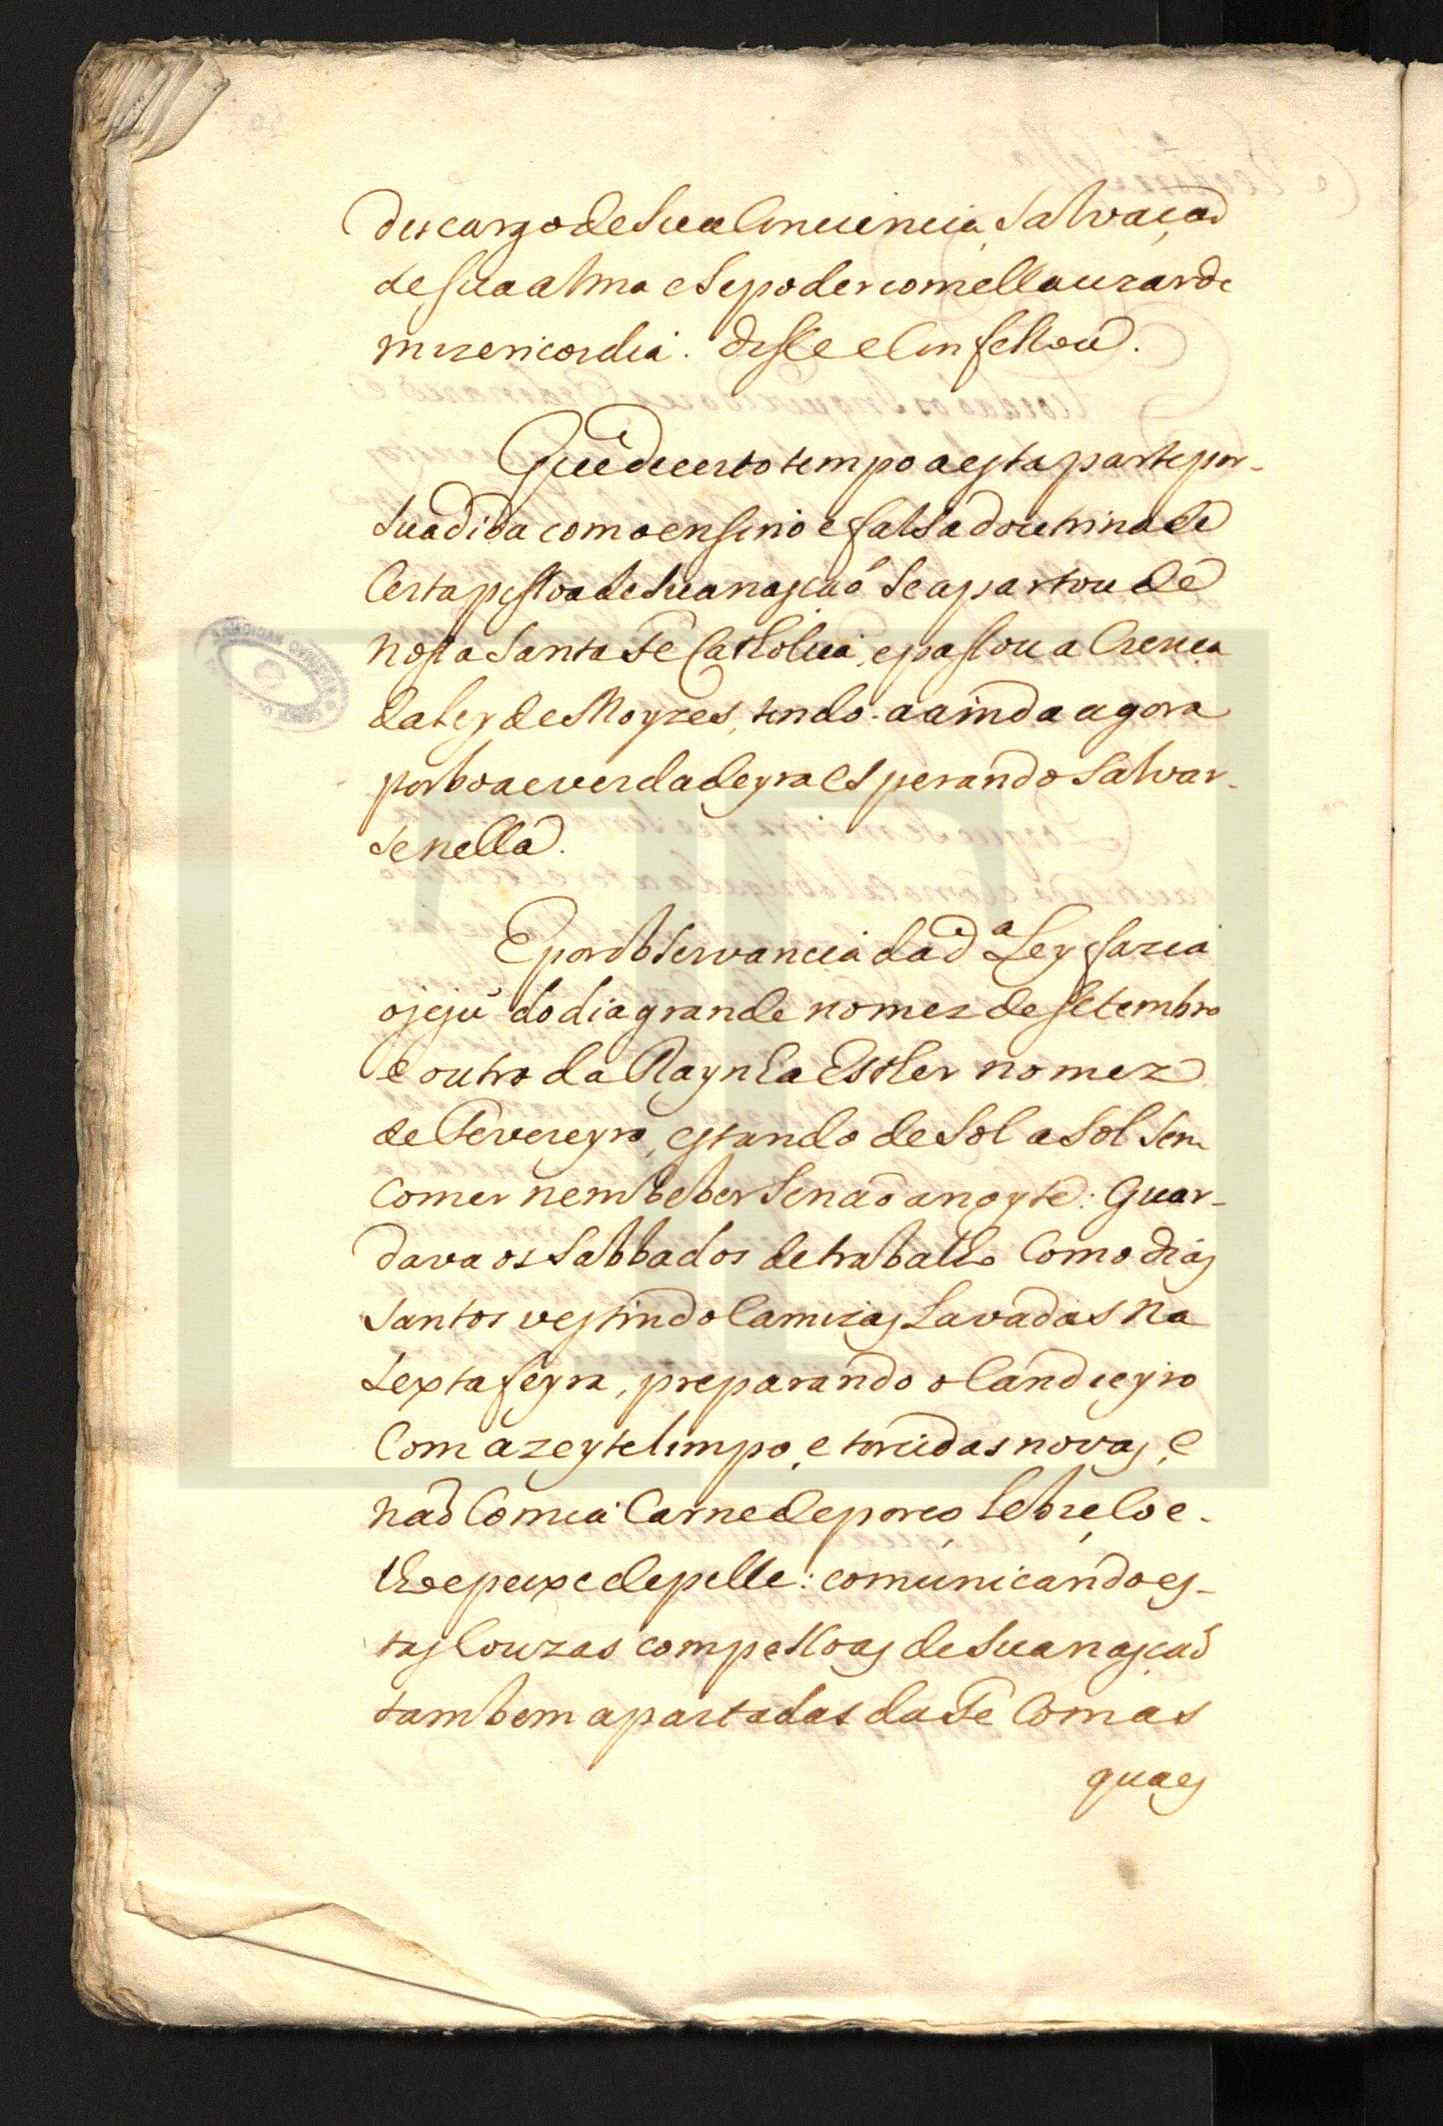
descargo de sua Conciencia, salvaçaõ
de sua alma e se poder com ella uzar de
mizericordia: disse e Confessou.
Que de certo tempo a esta parte per
suadida com o ensino e falsa doutrina de
certa pessoa de sua nasçaõ se apartou de
nossa Santa Fe Catholica, e passou a Crença
da Ley de Moyzes, tendo-a ainda agora
por boa e verdadeyra esperando salvar
se nella
E por observancia da d.a Ley fazia
o jejū do dia grande no mez de setembro
e outro da Raynha Esther no mez
de Fevereyro, estando de sol a sol sem
comer, nem beber senaõ a noyte: Guar
dava os Sabbados de trabalho Como dias
santos vestindo Camizas Lavadas na
sexta feyra, preparando o Candieyro
com azeyte limpo, e torcidas novas, e
naõ Comia carne de porco, Lebre, Coe
lho e peixe de pelle: comunicando es
tas Couzas com pessoas de sua nasçaõ
tambem apartadas da Fe com as
quaes
